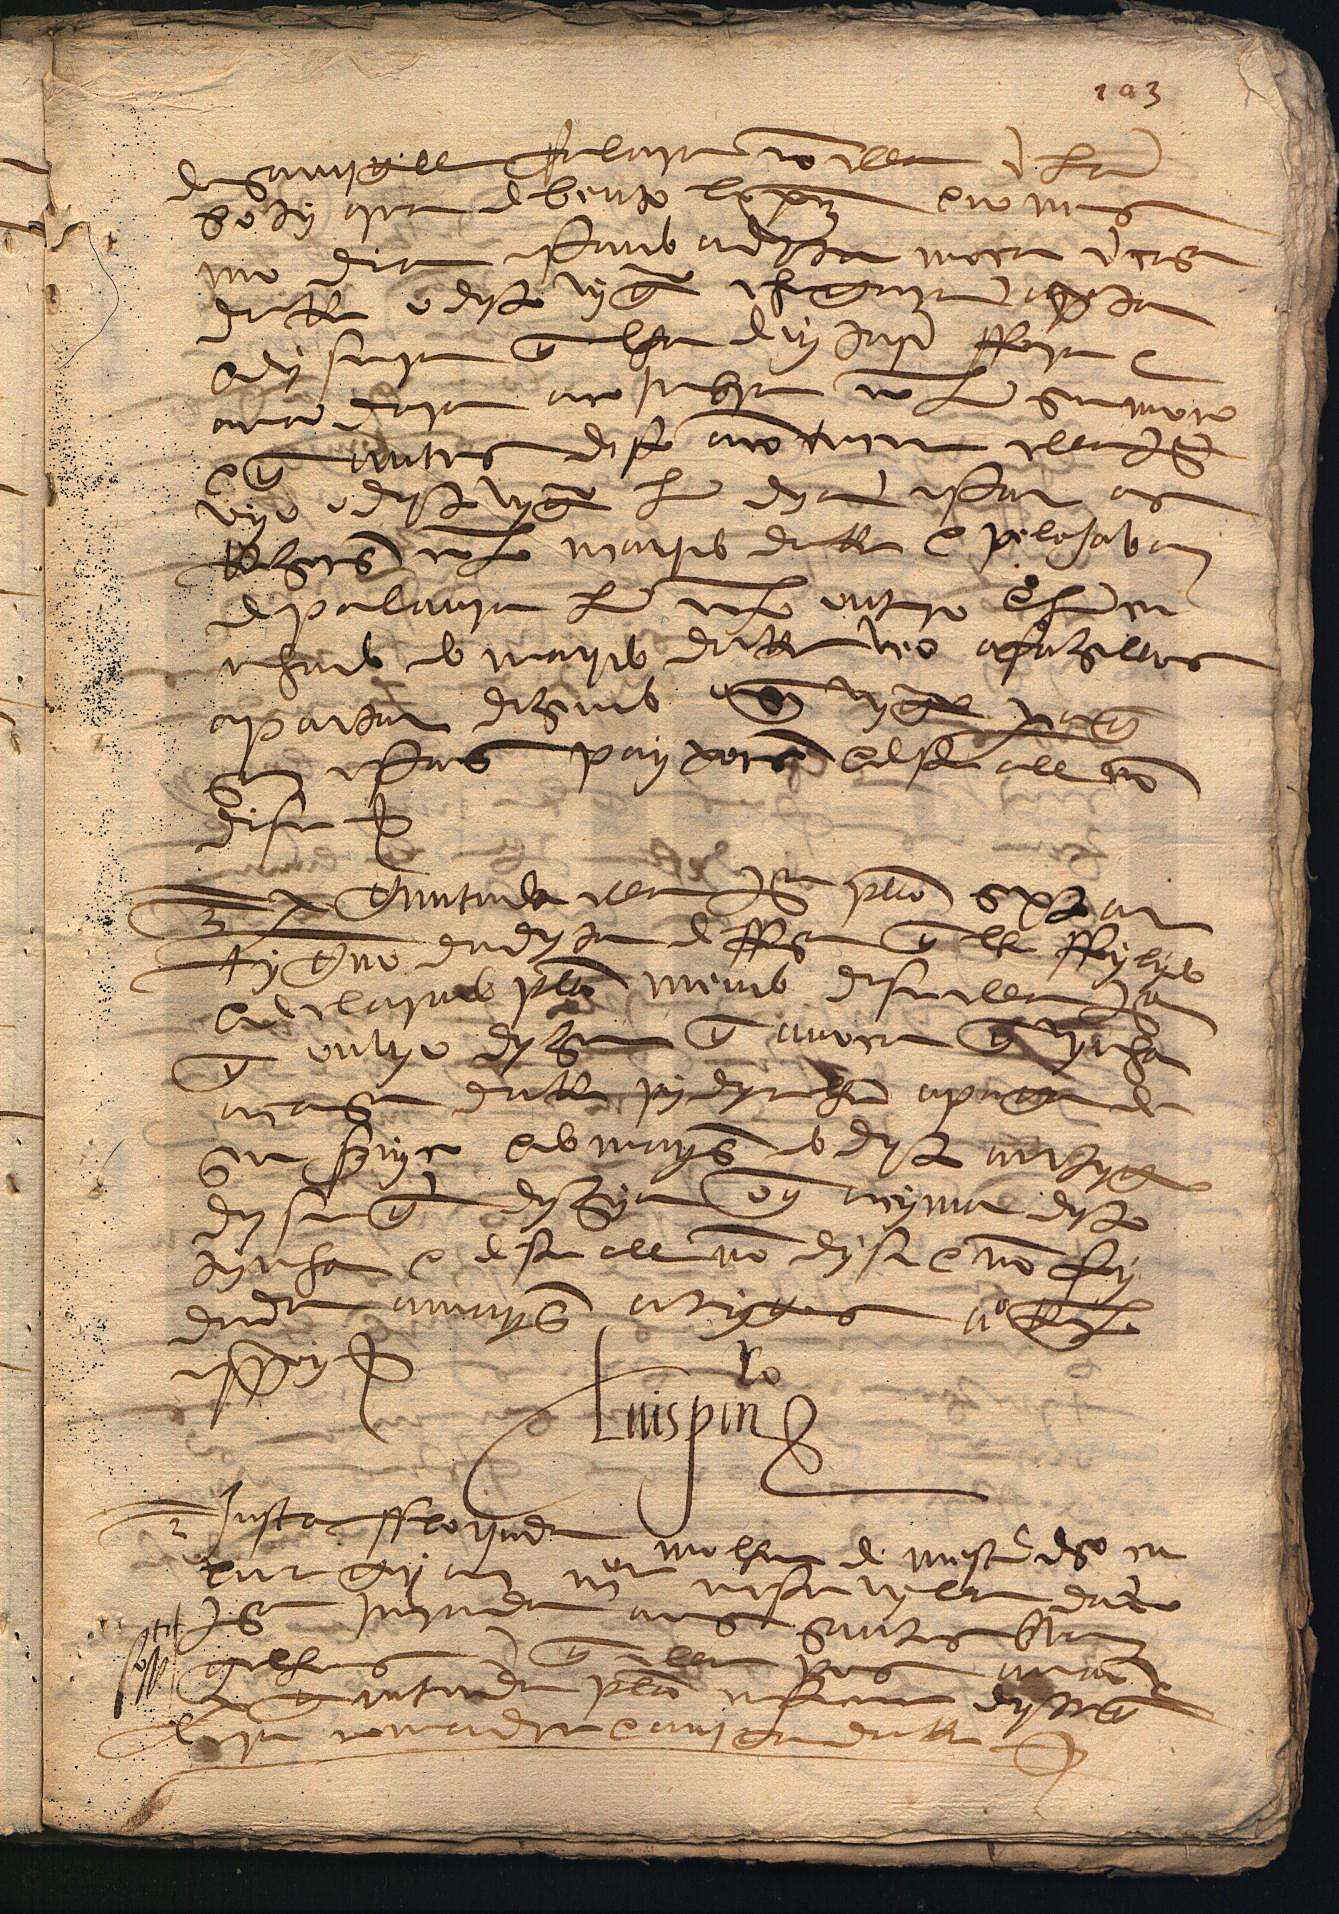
de samjgell falara c̄o ella ē huā
botyqua de bento lopez e no mes
mo dia estando a dyta moça ē casa
da Re o dyto vygro chegara a p̄ota
e dysera q̄ lha deytasē ffora e
a mādara a coJmbra c̄o hū seu moço
e q̄ antes disto ācoteçer ella tsa
vyo o dyto vygro hū dya estar as
Rezões c̄o ho marjdo da Re e pelejavam
de palaura hū c̄o ho outro e hū cu
nhado do marjdo da Re veo a fazellos
apartar dizendo o s̄r vygro ꝑa q̄
sam estas payxões e deste all n̄o
dyse
item ꝑguntada ella tsa p̄llo sexto ar
tyguo da dyta deffesa q̄ lhe ffoy lydo
e declarado p̄llo meudo dise ella tsa
q̄ ouvyo dyzer q̄ a moca q̄ vynha
a casa da Re pydyalhe a paga de
seu ꞩuyço e do mays do dyto artygo
dyse q̄ dyzya o q̄ acyma dyto
tynha e deste all n̄o dyse e n̄o foy
dada a mays artygos ao R̄oz ho
esp̄vy
item Justa fflorjnda molher de mest̄ djo çu
lurgyam mor nesta vyla dauro
tsa Jurada aos santos evam
gelhos ē q̄ ella pos a maõ
ꝑguntada pl̄lo custume dyse q̄
era comadre e amjga da Re
